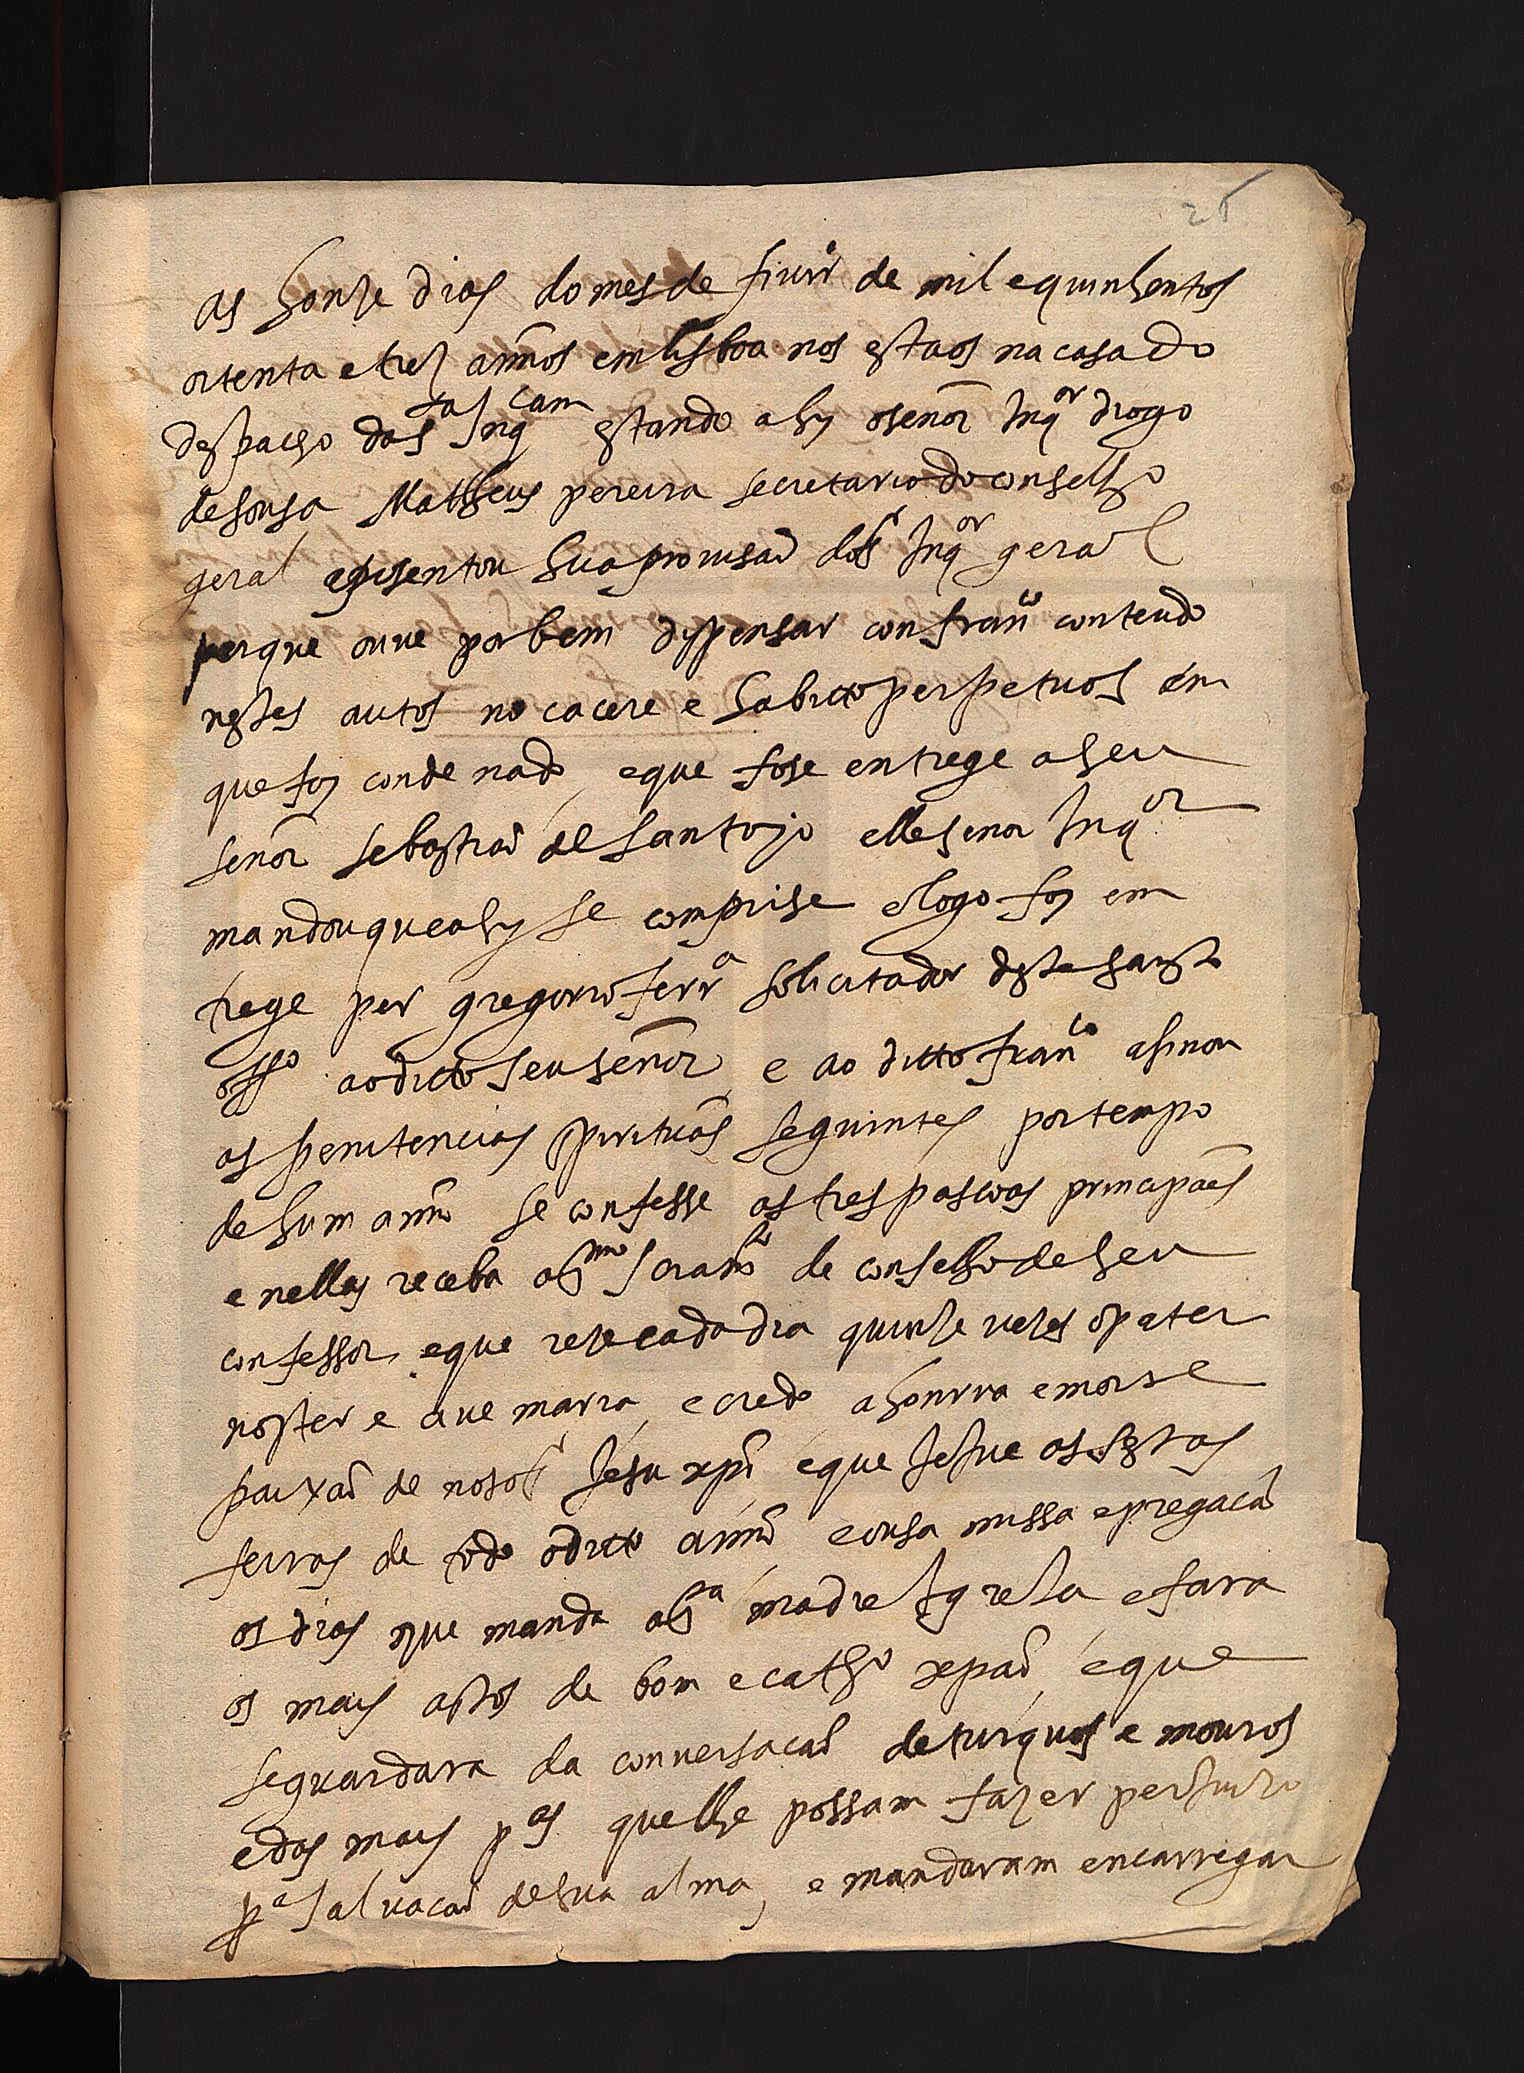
as honze dias do mes de fiuero de mil e quinhentos
oitenta e trez annos em lisboa nos estaos na casa do
despacho da sta Inqçam estando ahy o senor̄ Inqor diogo
de sousa Mattheus pereira secretario do conselho
geral aprezentou hua prouisaõ do sr Jnqor geral
por que ouue por bem dispensar con franco conteudo
nestes autos no cacere e habitto perpetuos em
que foj condenado, e que fose entrege a seu
senor̄ sebastiaõ de santoyo elle senor Jnqor
mandou que asy se comprise e logo foj em
trege per gregorio ferra solicitador deste santo
offo ao ditto seu sen̄or e ao ditto franco asinou
as penitencias spirituās seguintes por tempo
de hum annō se confesse as tres pascoas principaēs
e nellas receba o smo scramto de conselho de seu
confessor e que reze cada dia quinze uezes o pater
noster e aue maria, e credo a honrra e morte
paixaõ de nosso sr Jesu xpō, e que JeJue as sestas
feiras de todo o ditto annō, e ousa missa e pregaçaõ
os dias que manda a sta madre IgreIa, e fara
os mais actos de bom e catho xpaõ, e que
se guardara da conuersaçaõ de turquos e mouros
e das mais pas que lhe possam fazer perJuizo
ꝑa saluaçaõ de sua alma, e mandaram encarregar
